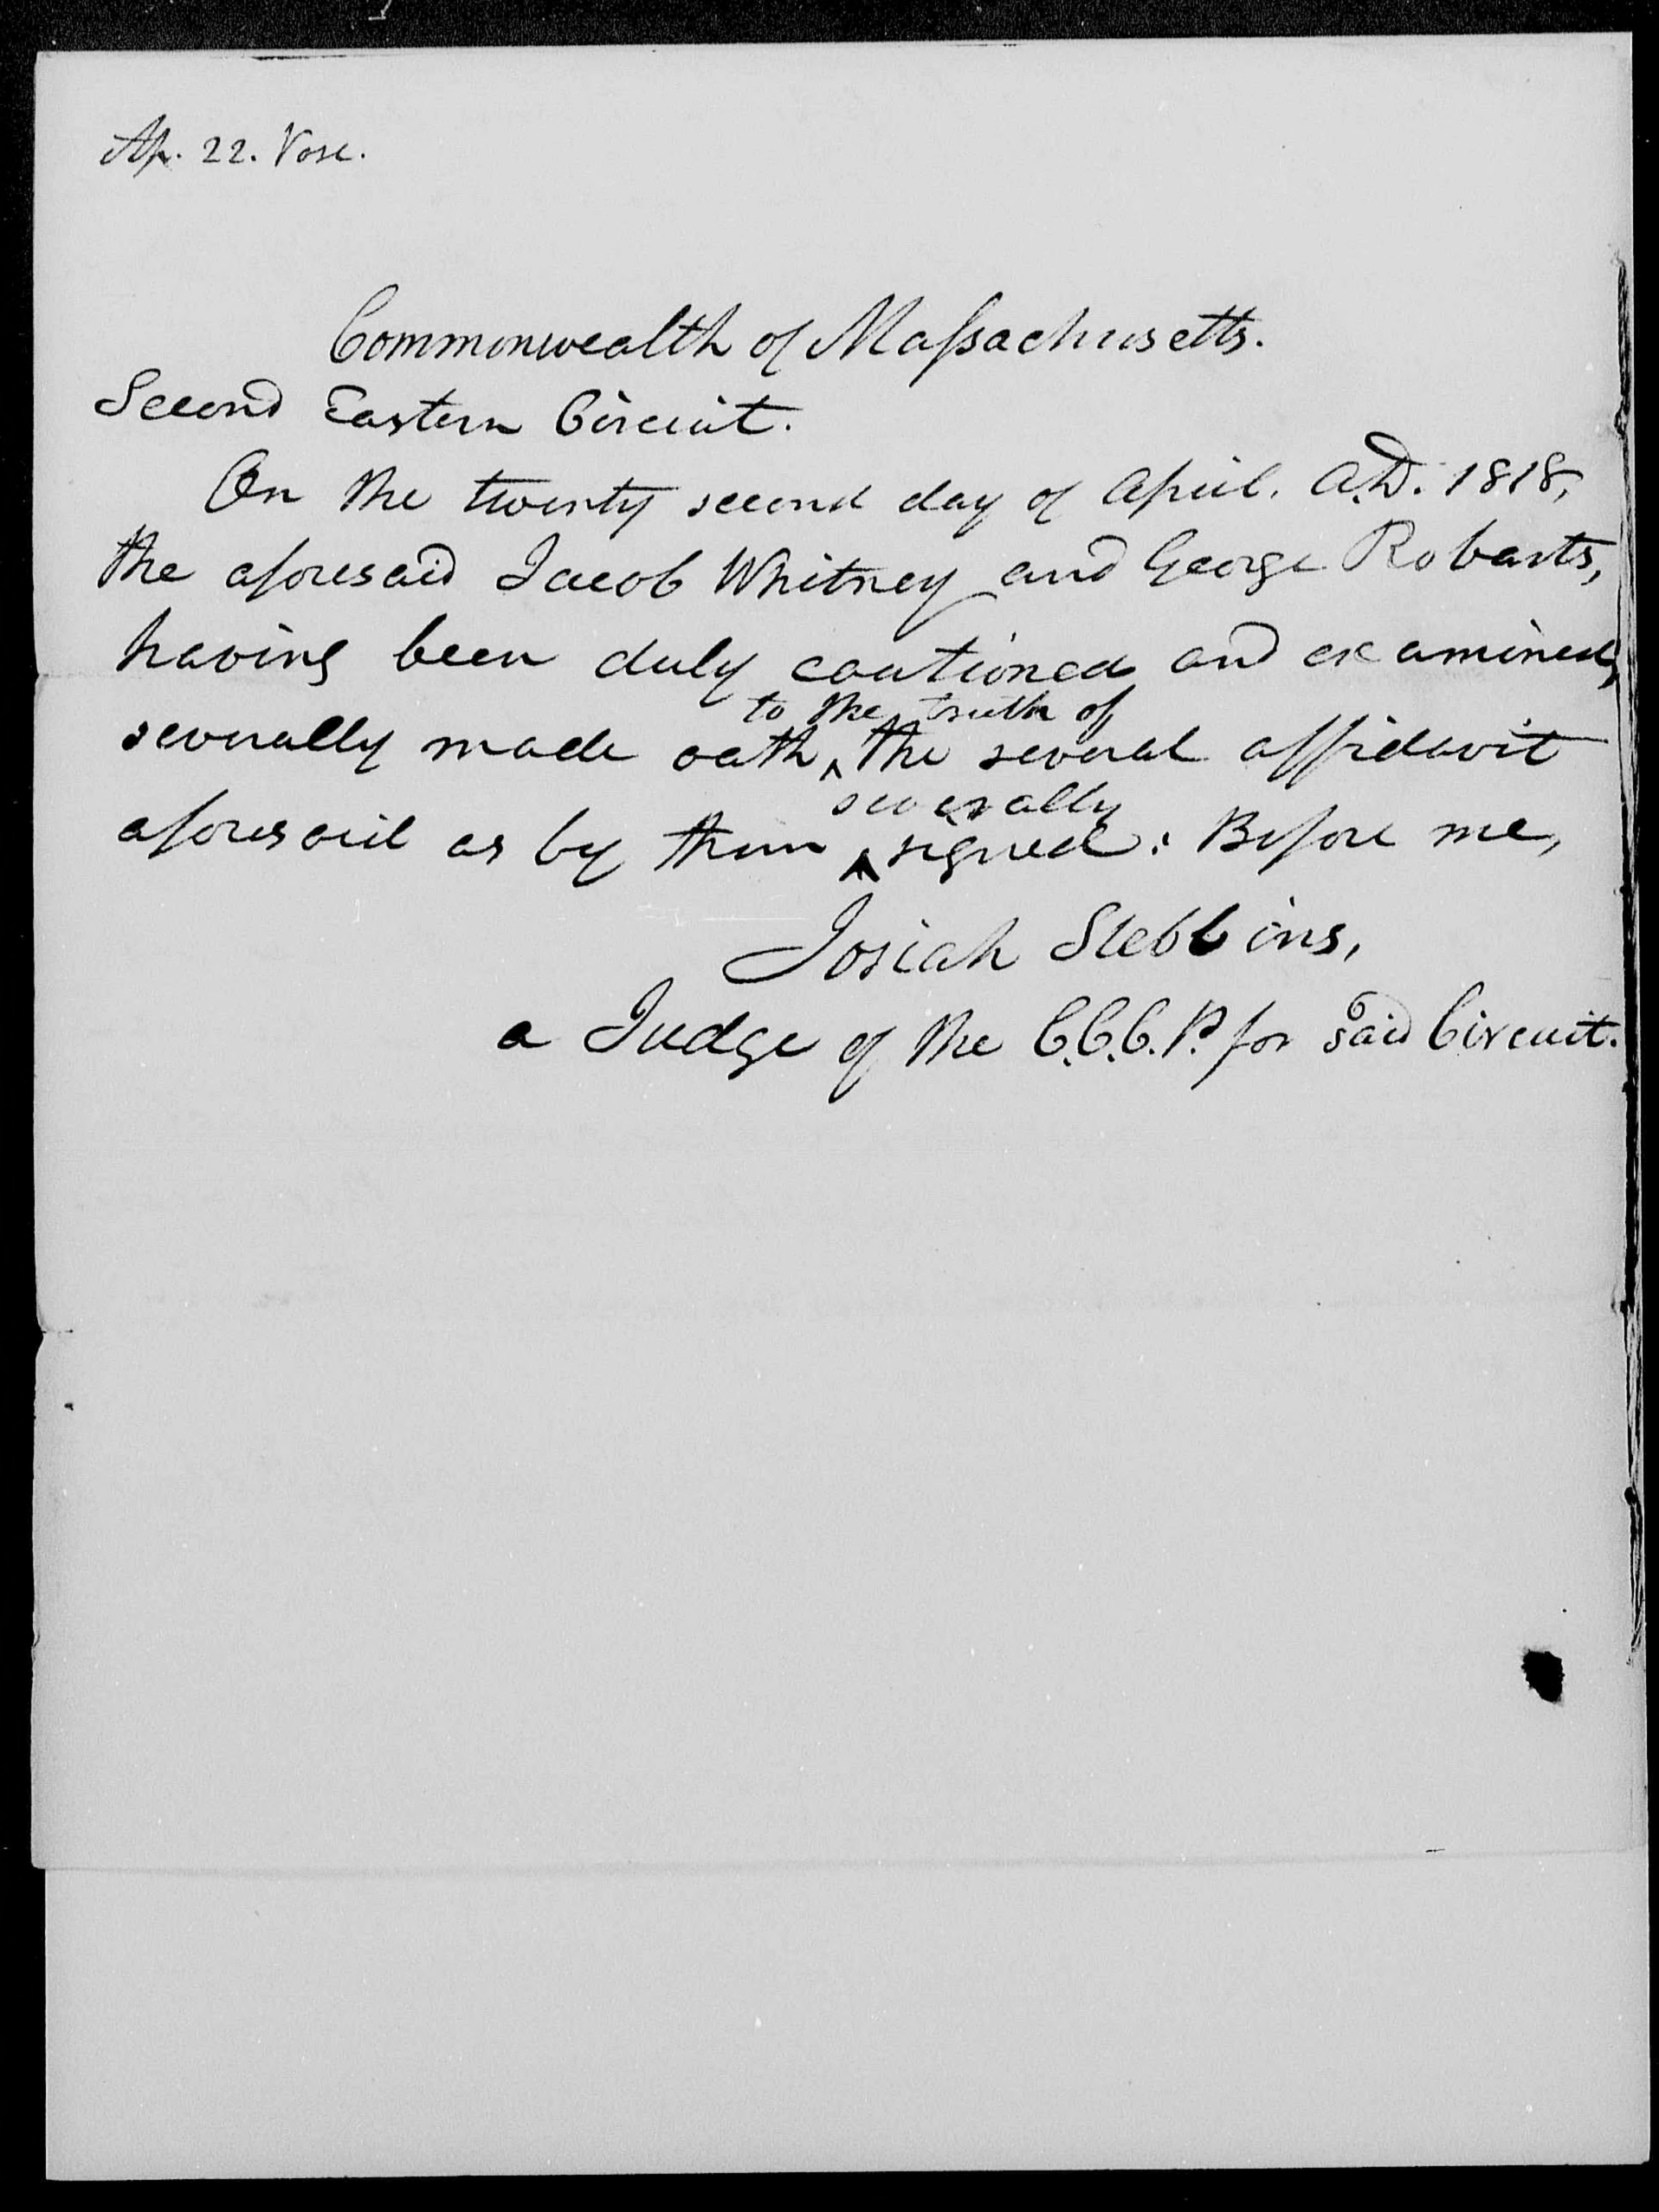Apr. 22. Vose.
Commonwealth of Massachusetts
Second Eastern Circuit
ON the twenty second day of April. A.D. 1818,
the aforesaid Jacob Whitney and Geroge Robarts
having been duly cautioned and examined
severally made oath to me the truth the several affidavit
aforesaid as by them [illegible] signed Before me,
Josiah Stebbins,
a Judge of the C.C.C.P. for said Circuit.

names: George Robarts, Josiah Stebbins, Jacob Whitney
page: 7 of 39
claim: widow's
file: W. 23,621, Increase Blethen, Mass.